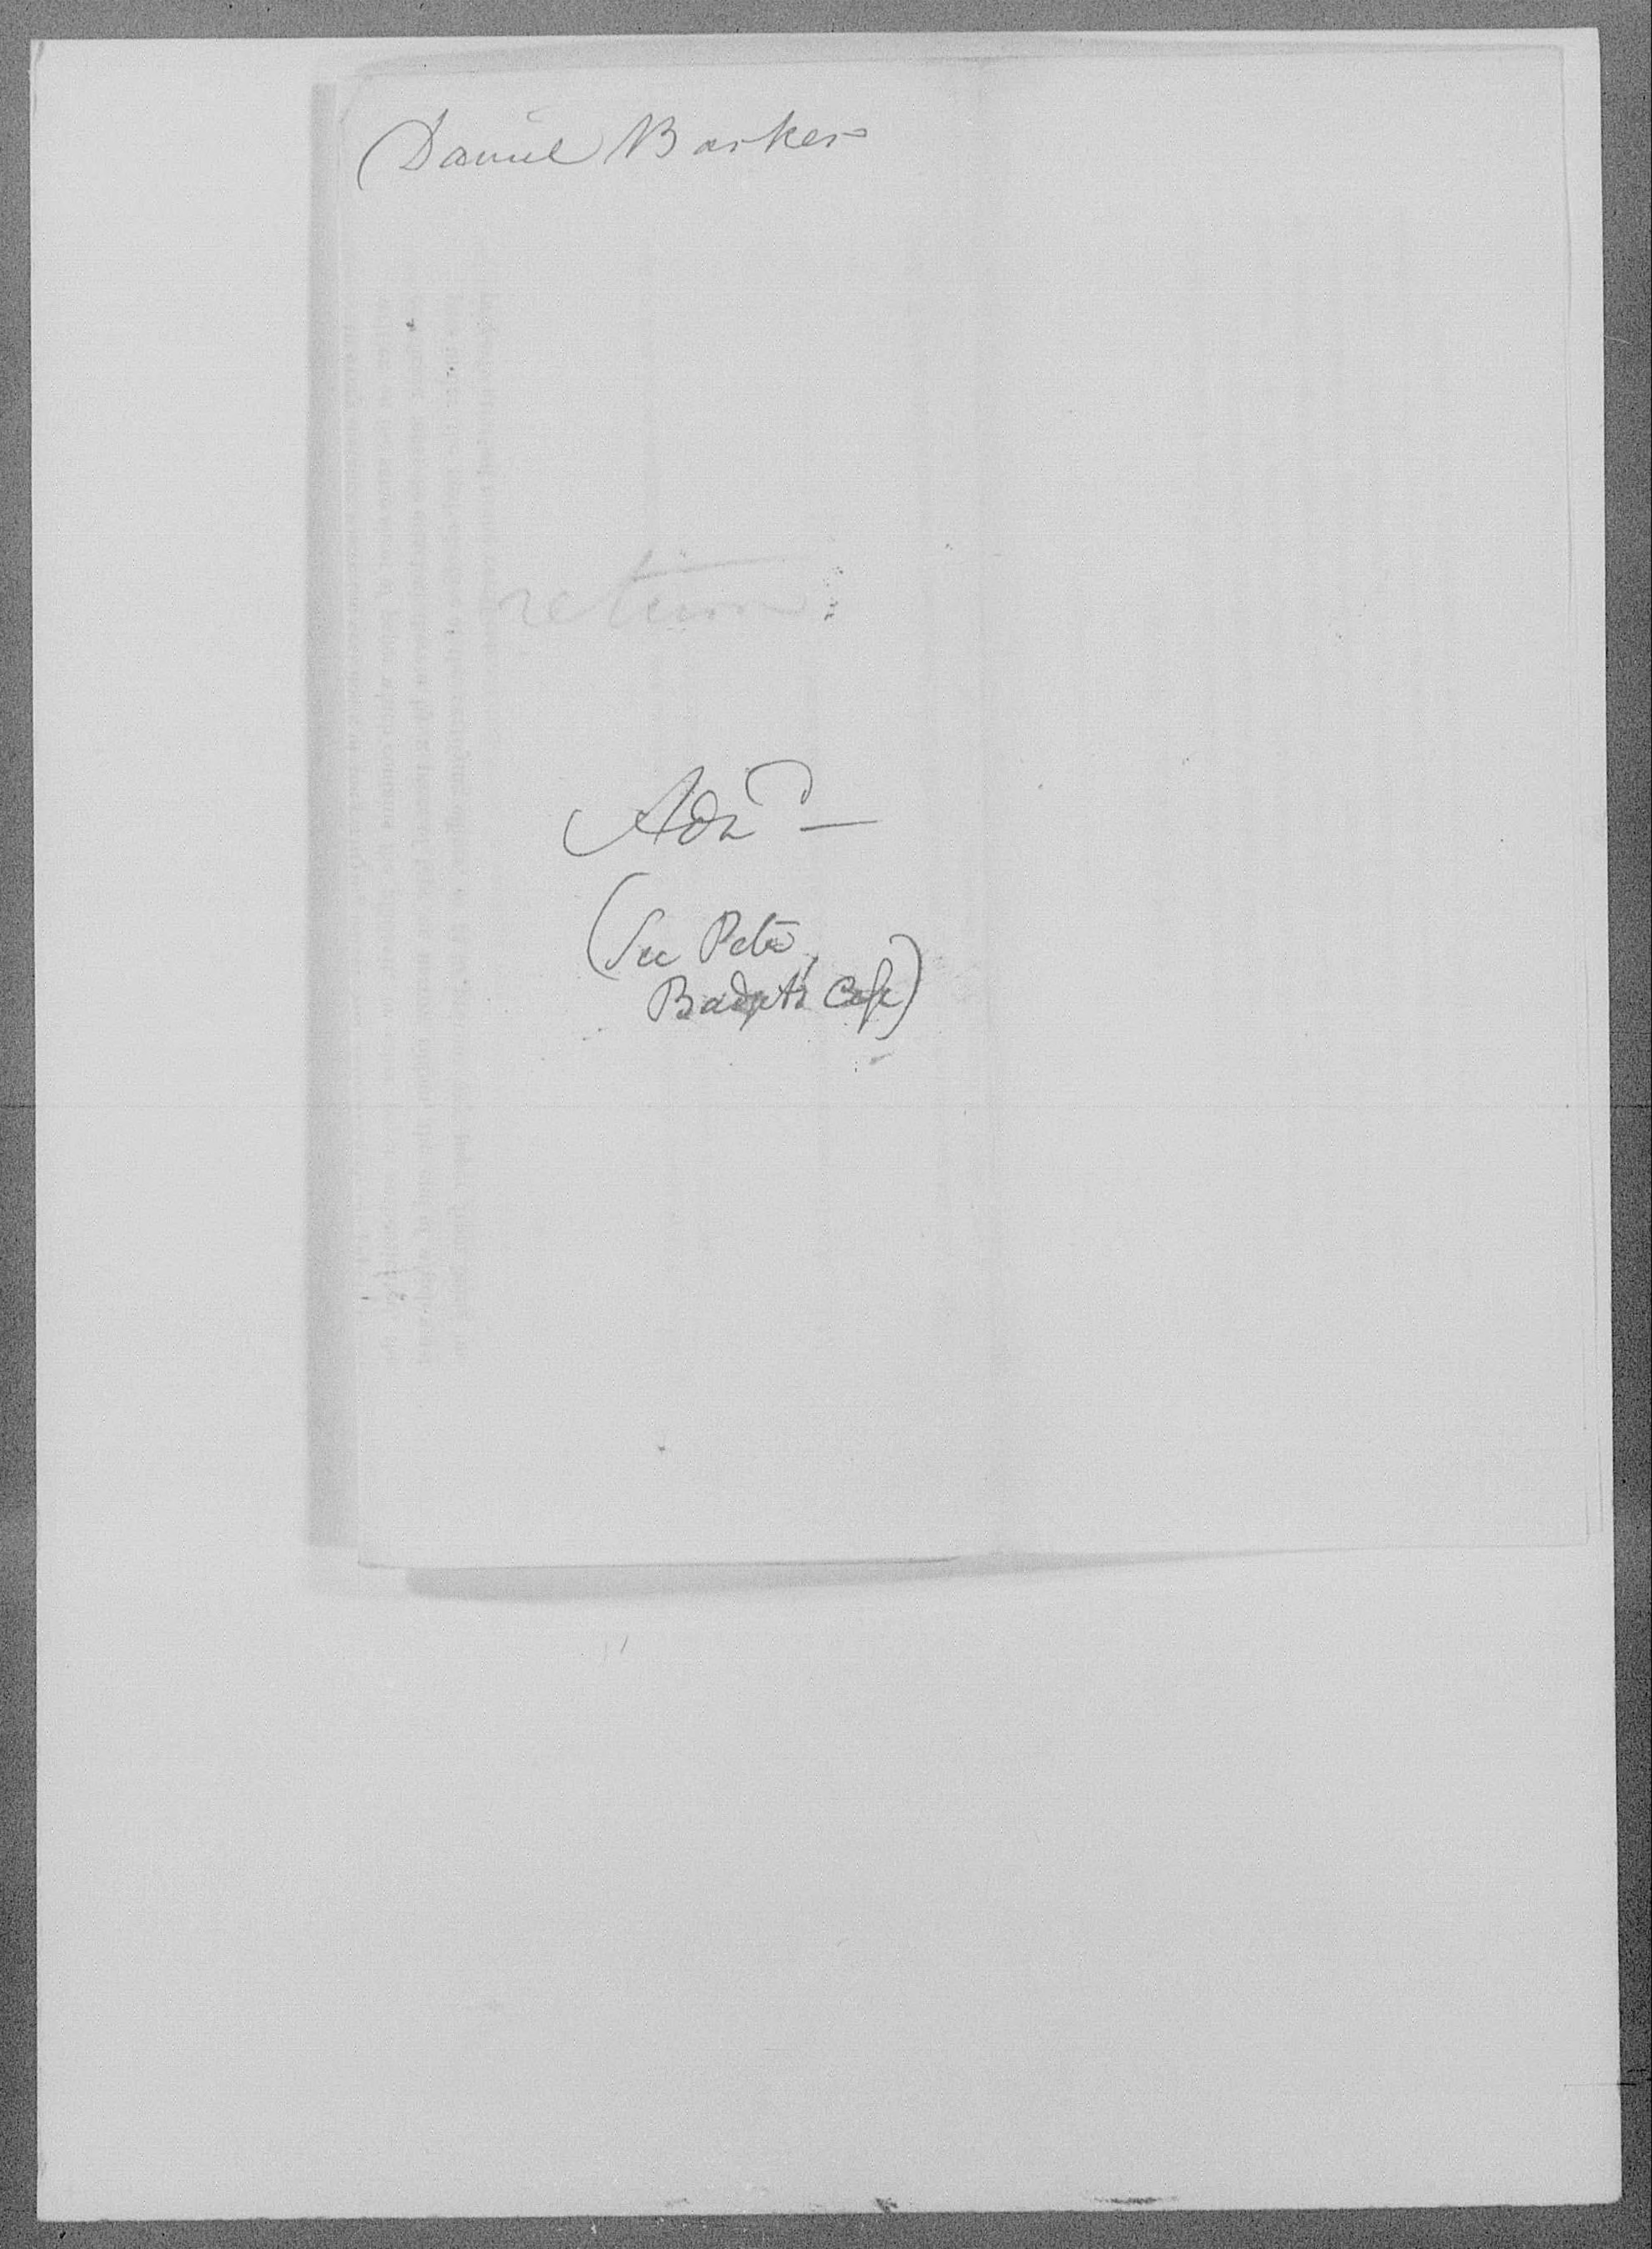David Barker


Return;


Adm 
(See Peter Badeth Capt)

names: Peter, Daniel Barker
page: 20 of 23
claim: survivor's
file: S. 6560, David Barker, N.C.